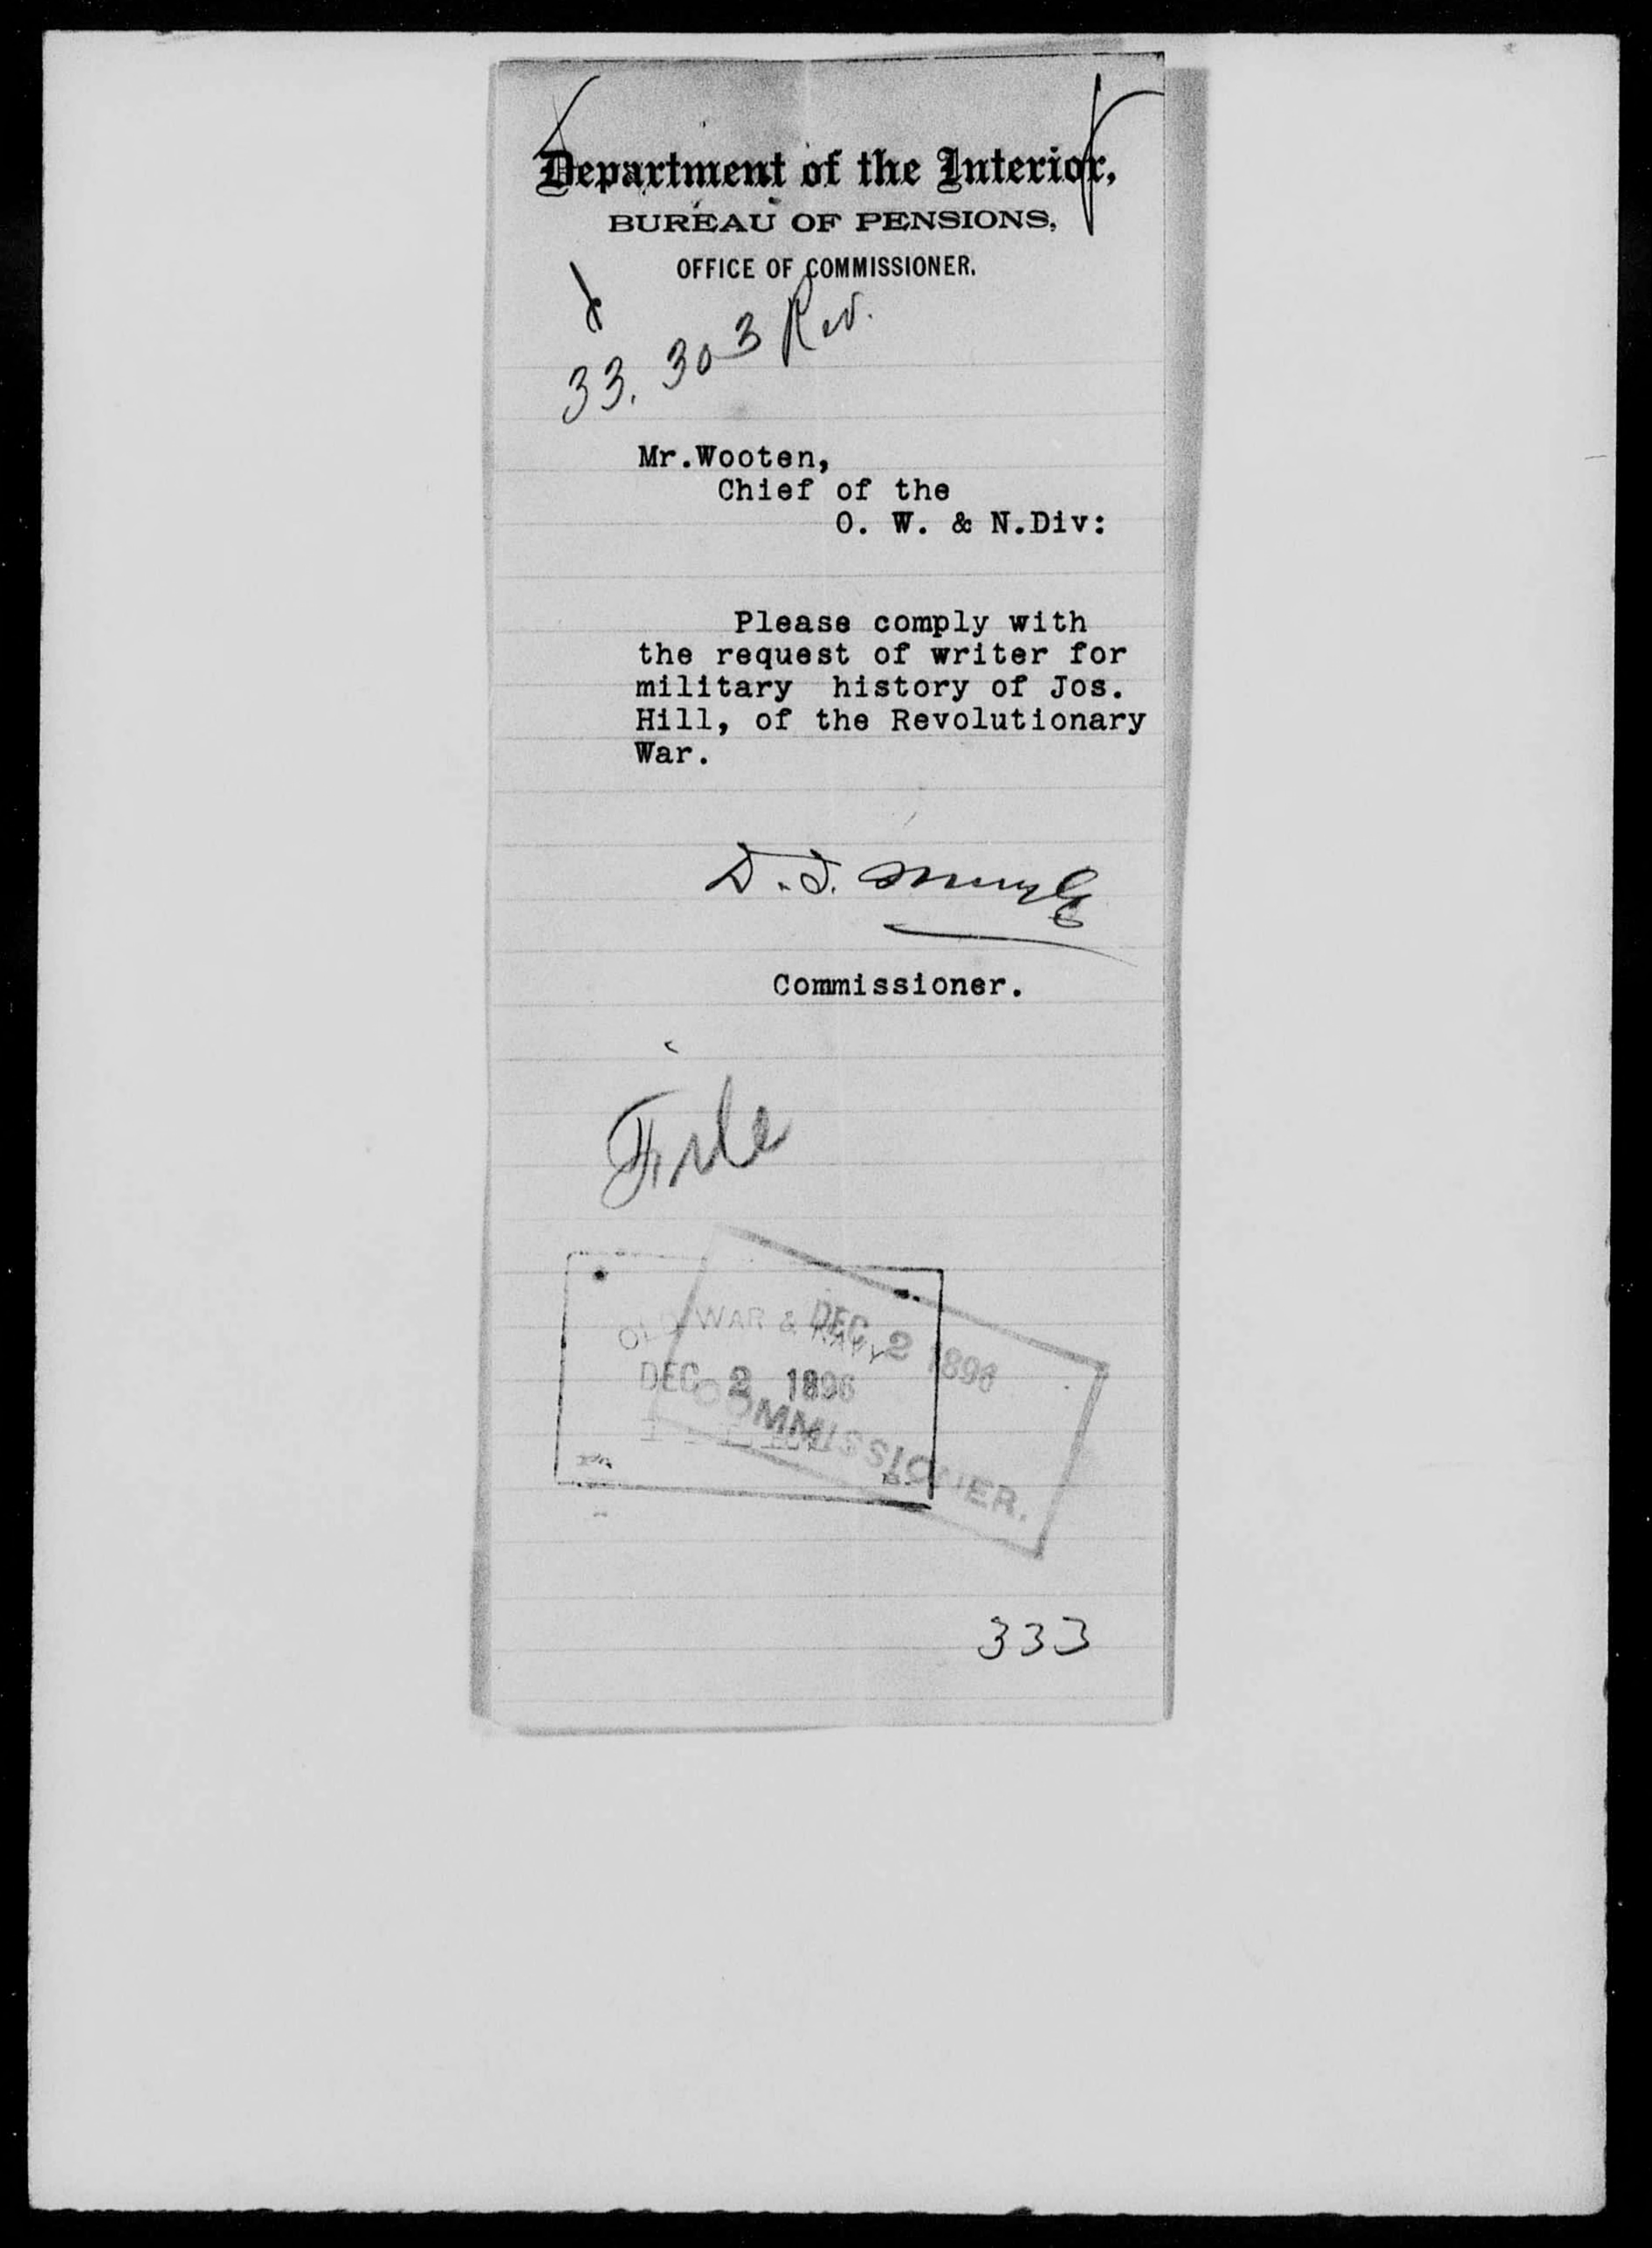Department of Interior,
Bureau of Pensions,
Office of Commissioner.

33.303 Rev.

Mr. Wooten, Chief of the O.W. & N. Div:

Please comply with the request of writer for military history of Jos. Hill, of the Revolutionary War.

D.S. Muyl
Commissioner.

File
Dec 2, 1896
Commissioner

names: Jos Hill, D S Muyl, Wooten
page: 8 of 14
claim: survivor's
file: S. 3,3303, Joseph Hill, Continental (Mass.)